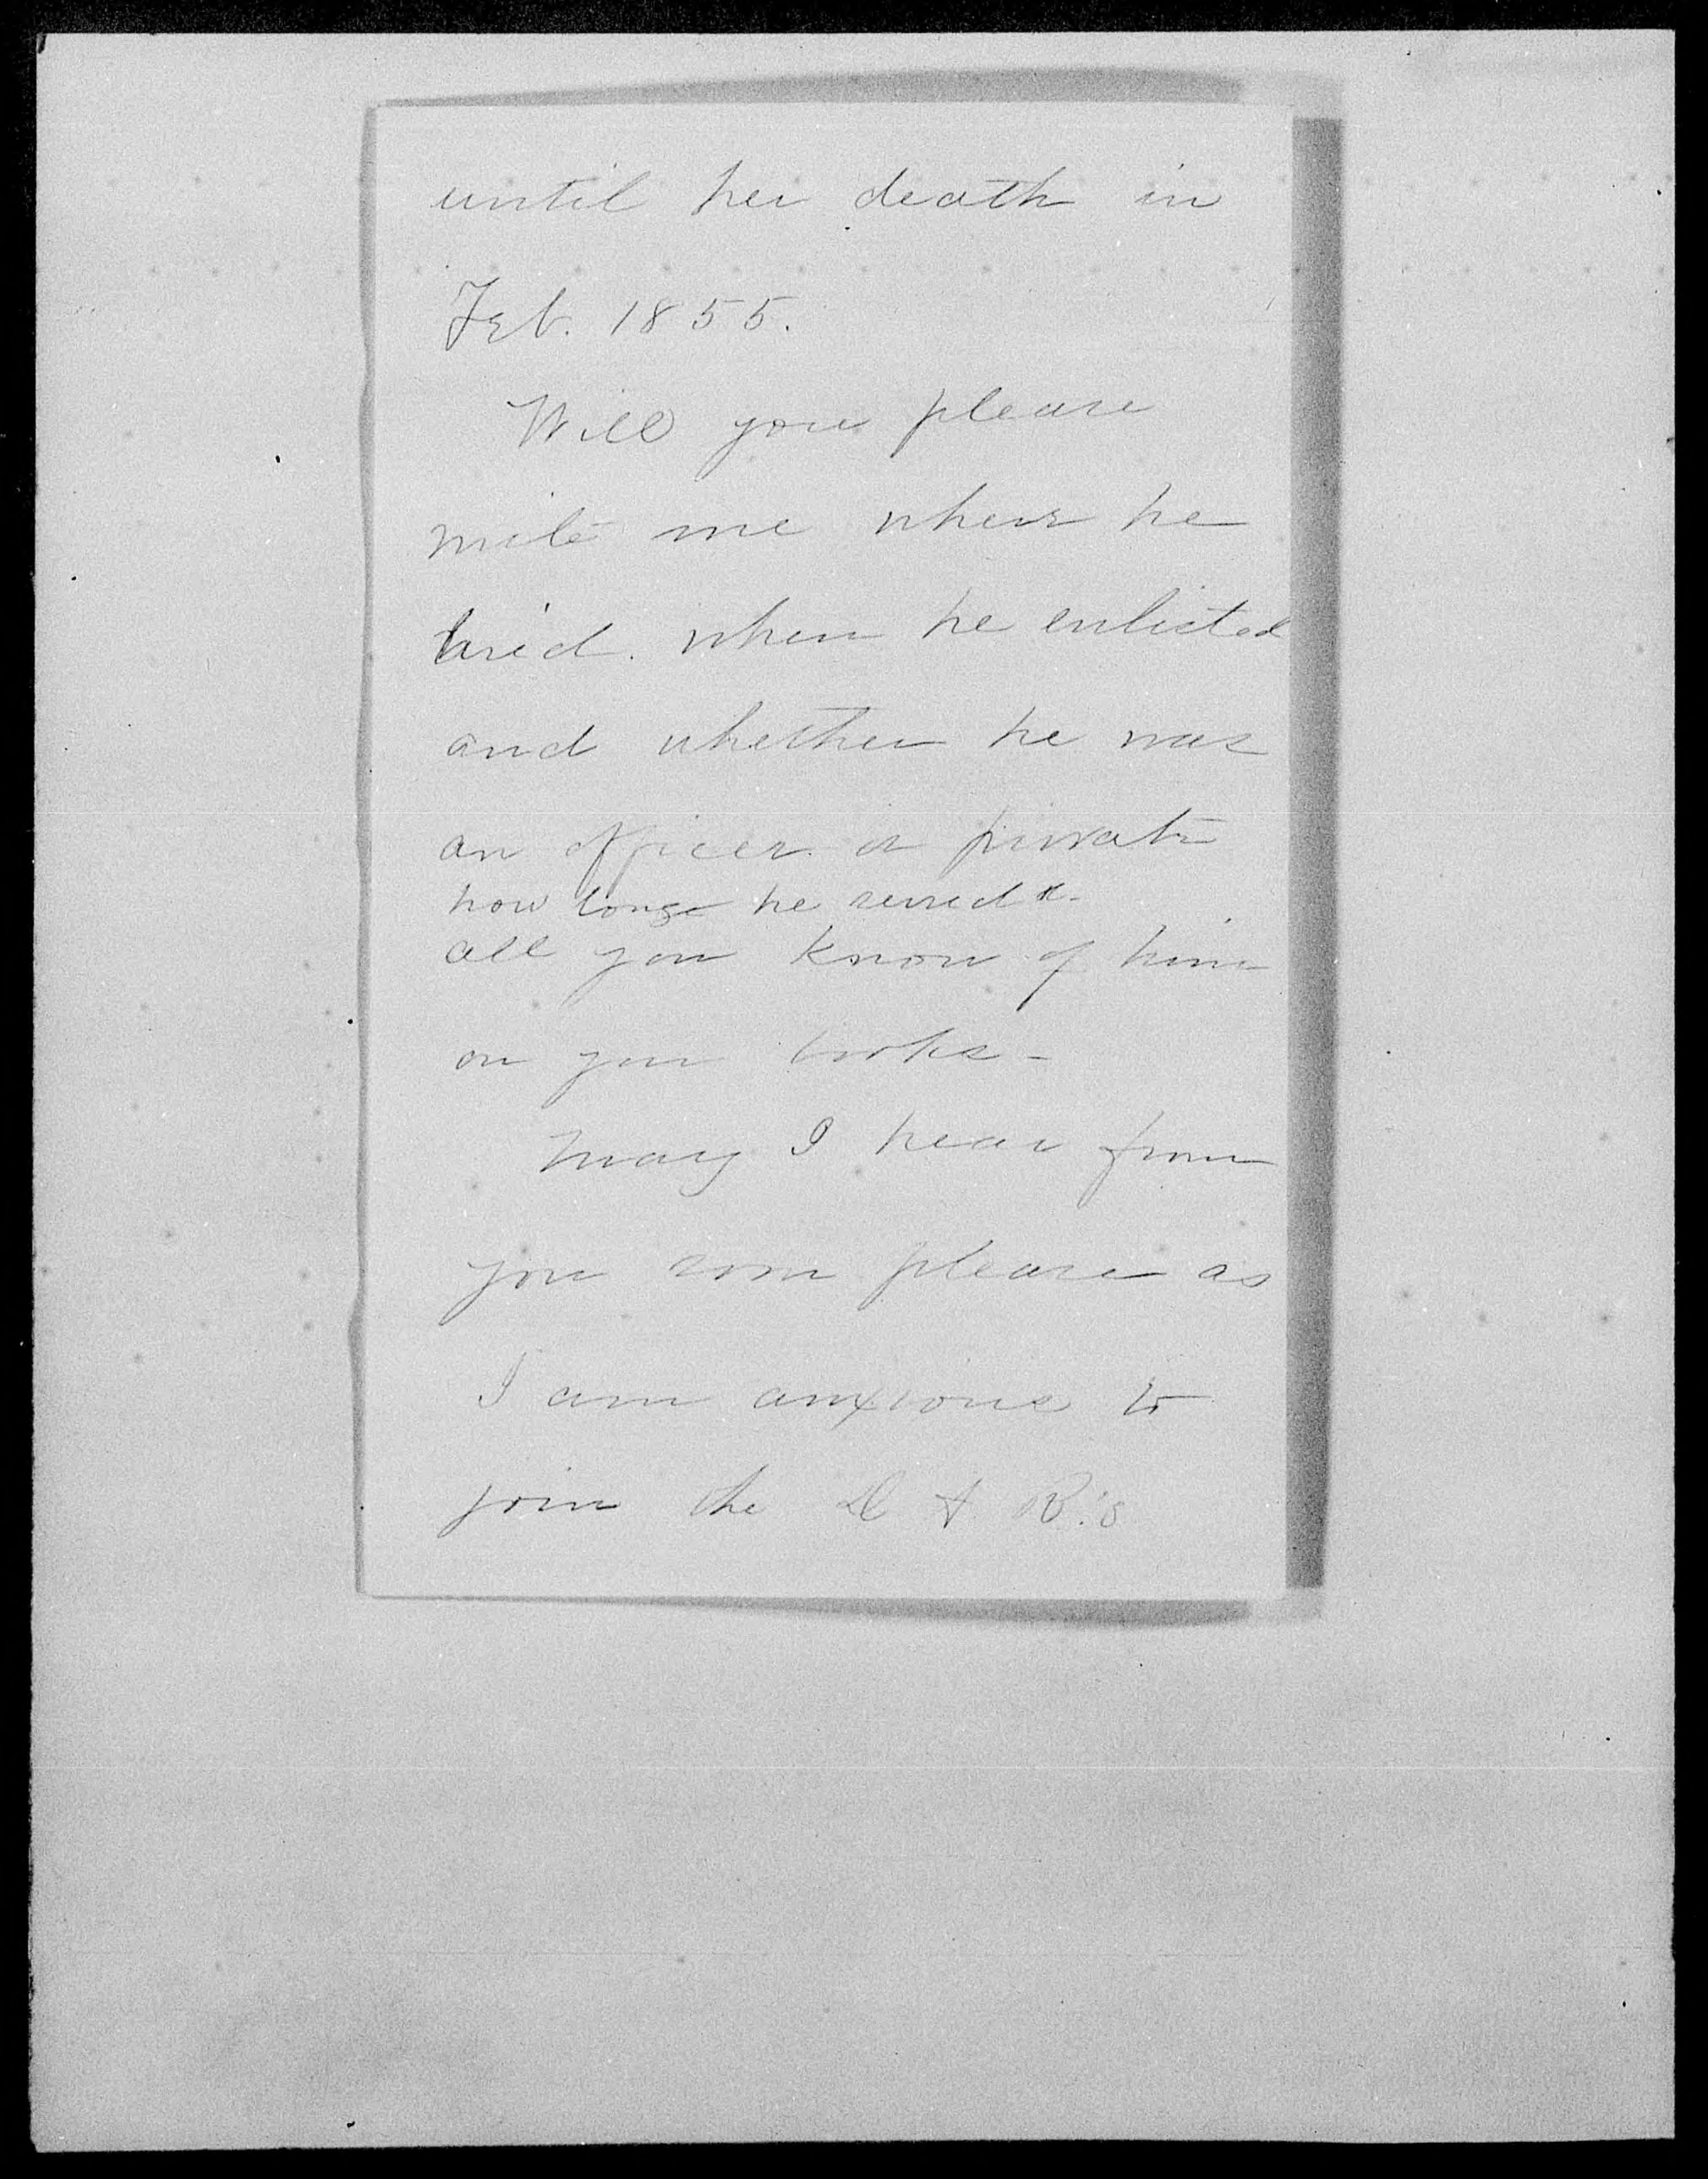death in until her Feb. 1855 Will you please mile me where he died and when he enlisted and whether he was an officer or private how long he served all you know of him on your books.
 may I hear from you soon please as I am anxious to join the D. A. R.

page: 30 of 67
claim: widow's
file: W. 23183, Jesse Hardy, Mass.